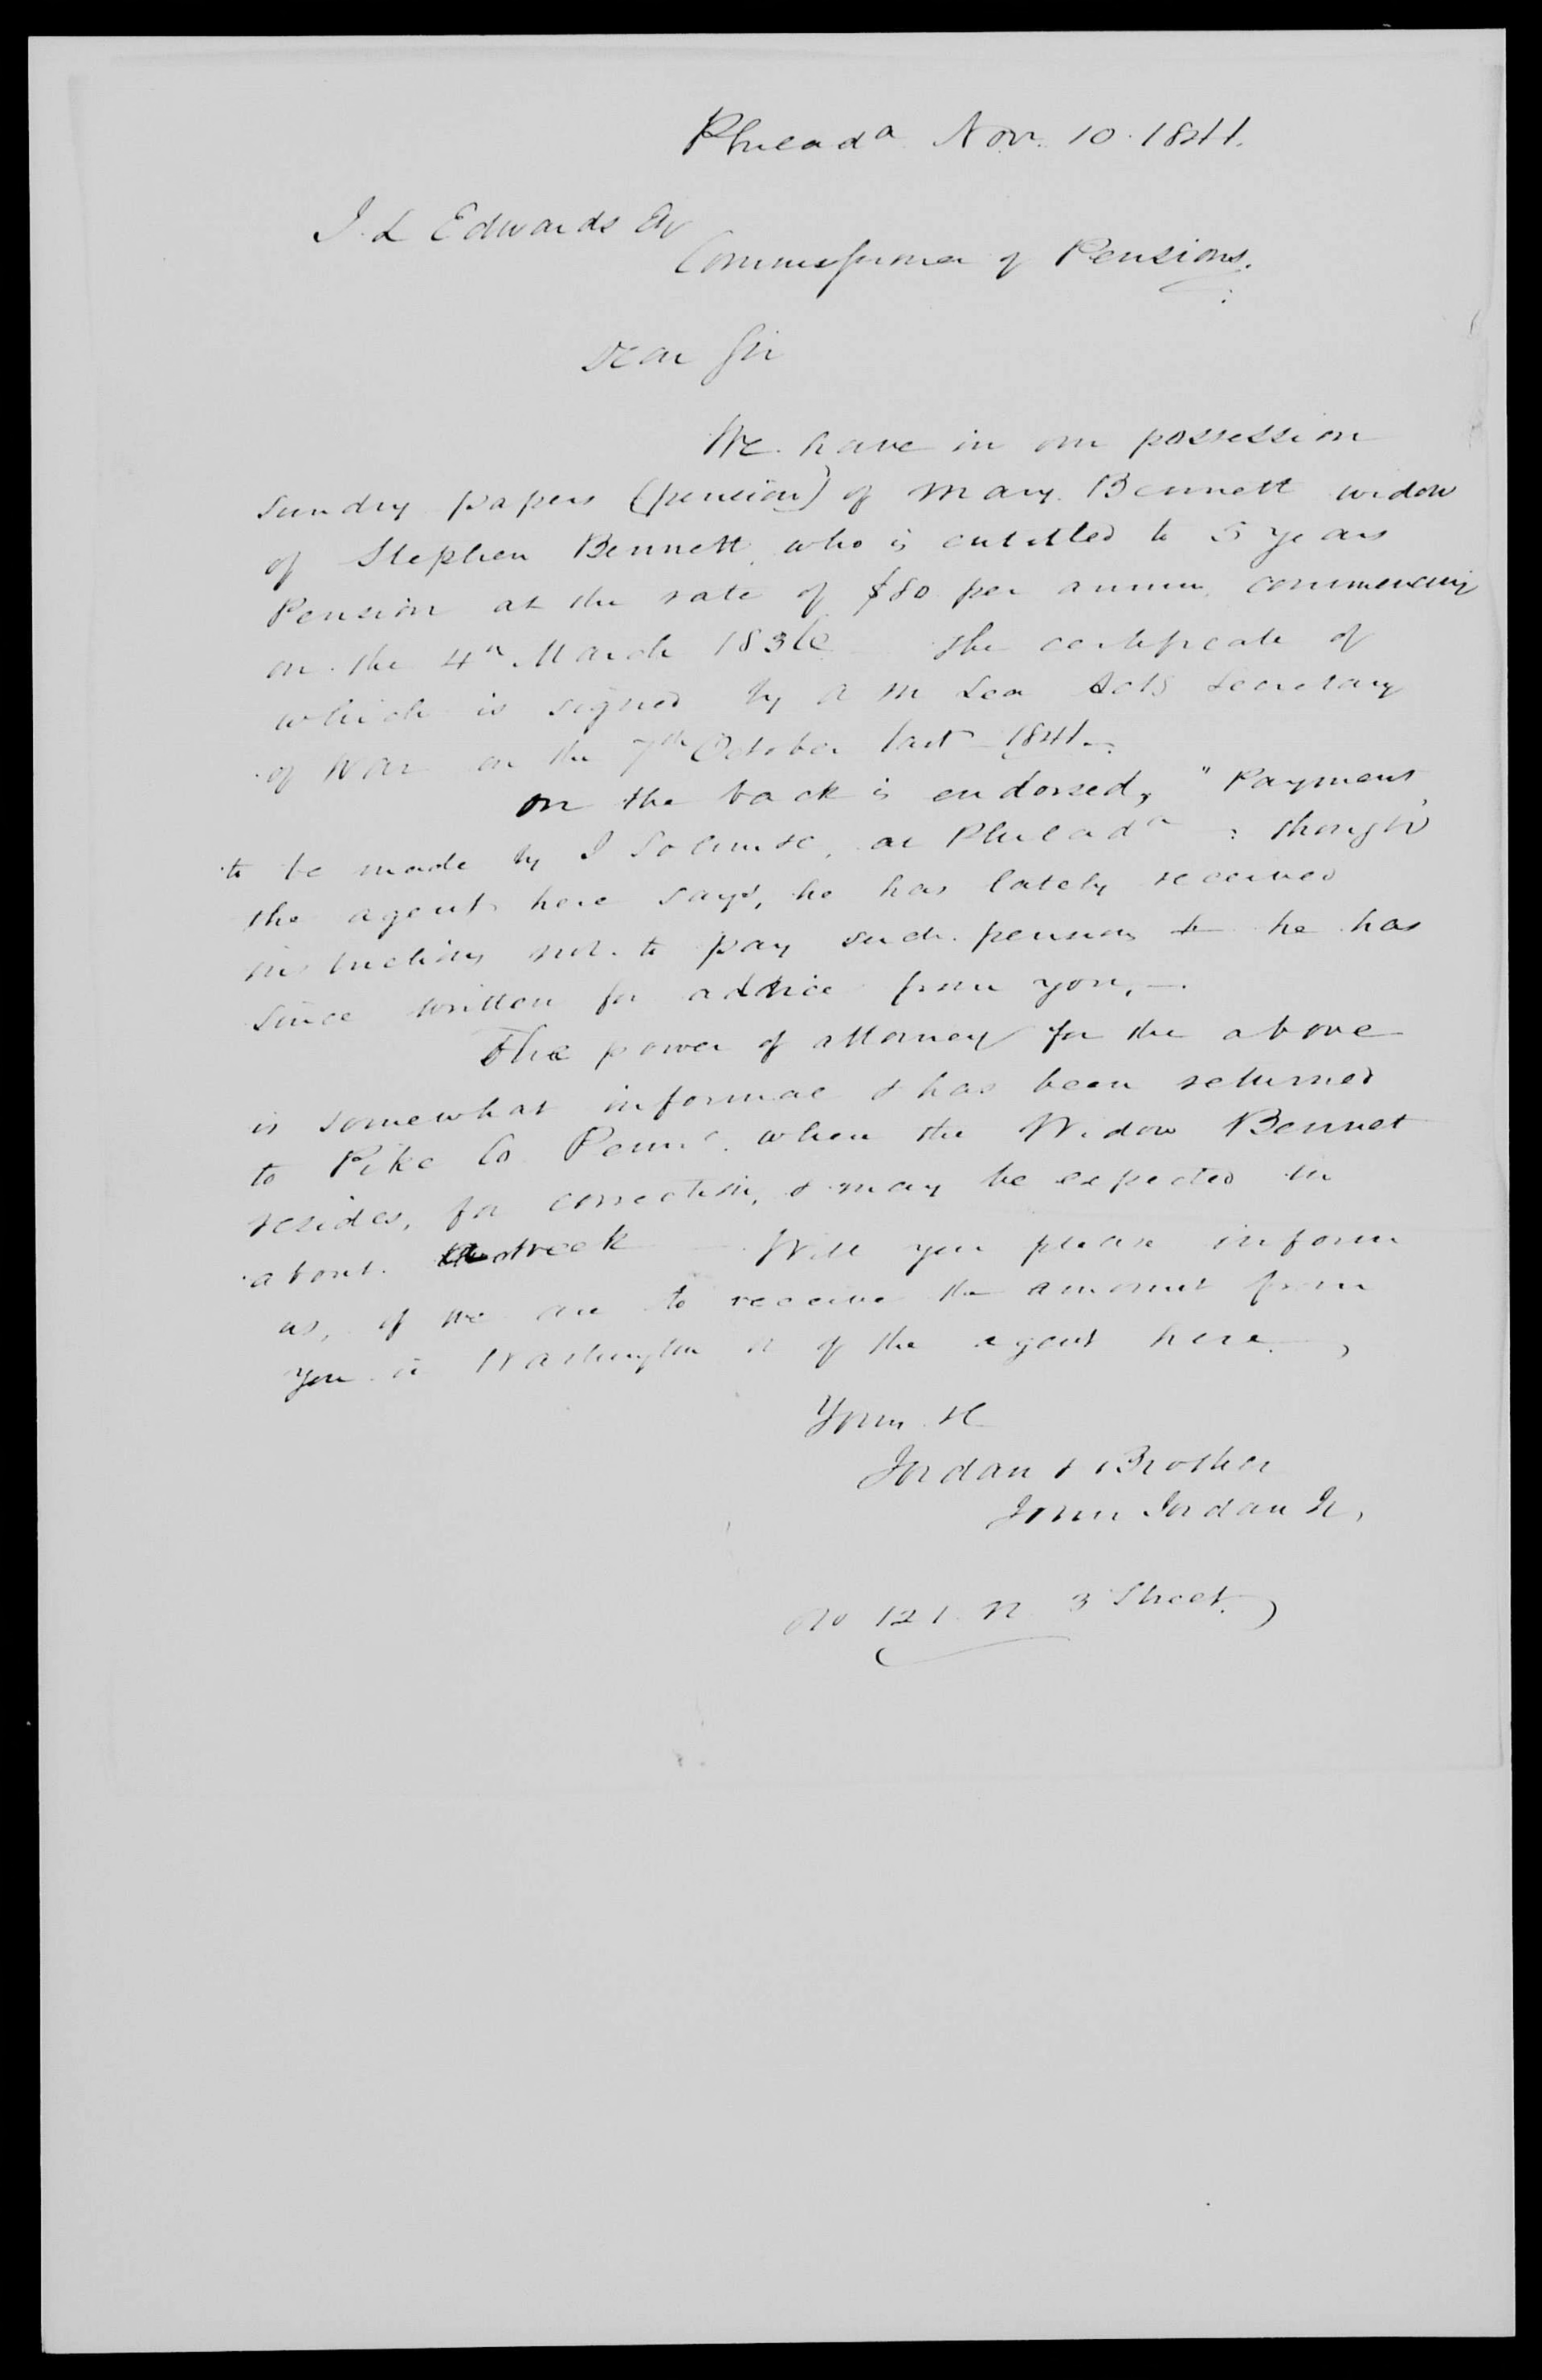Plul[?] ad a Nov. 10 . 1841
J.L. Edwards Esq
Commissioner of Pensions

Dear Sir,
We have in our possession sundry papers (pension) of Mary Bennett widow of Stephen Bennett who is entitled to 5 years pension at the rate of $80 per anuum commensing on the 4th of March 1836. The certificate of which is signed by A M Sea Acts Secretary of War on 7th October last 1844.
On the back is endorsed, 'Payment to be made by I Sol[?]m[??], as Plul[?] ad a though the agent here says he lately received this including [illegible] to pay such pensions & he has since written for advice from you.
The power of attorney for the above is somewhat informed & has been returned to Pike Co. Penn. where the widow Bennett resides for connection & may be expected in about a week. Will you please inform us if we are to receive the amount from you in Washington [?] of the agent here
Your [?]
Jordan & Brother 
James Jordan Jr
No 121 N 3 Street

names: J L Edwards, Stephen Bennett, Mary Bennett, Bennet, James Jordan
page: 66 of 79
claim: widow's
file: W. 2,906, Stephen Bennet, Conn.